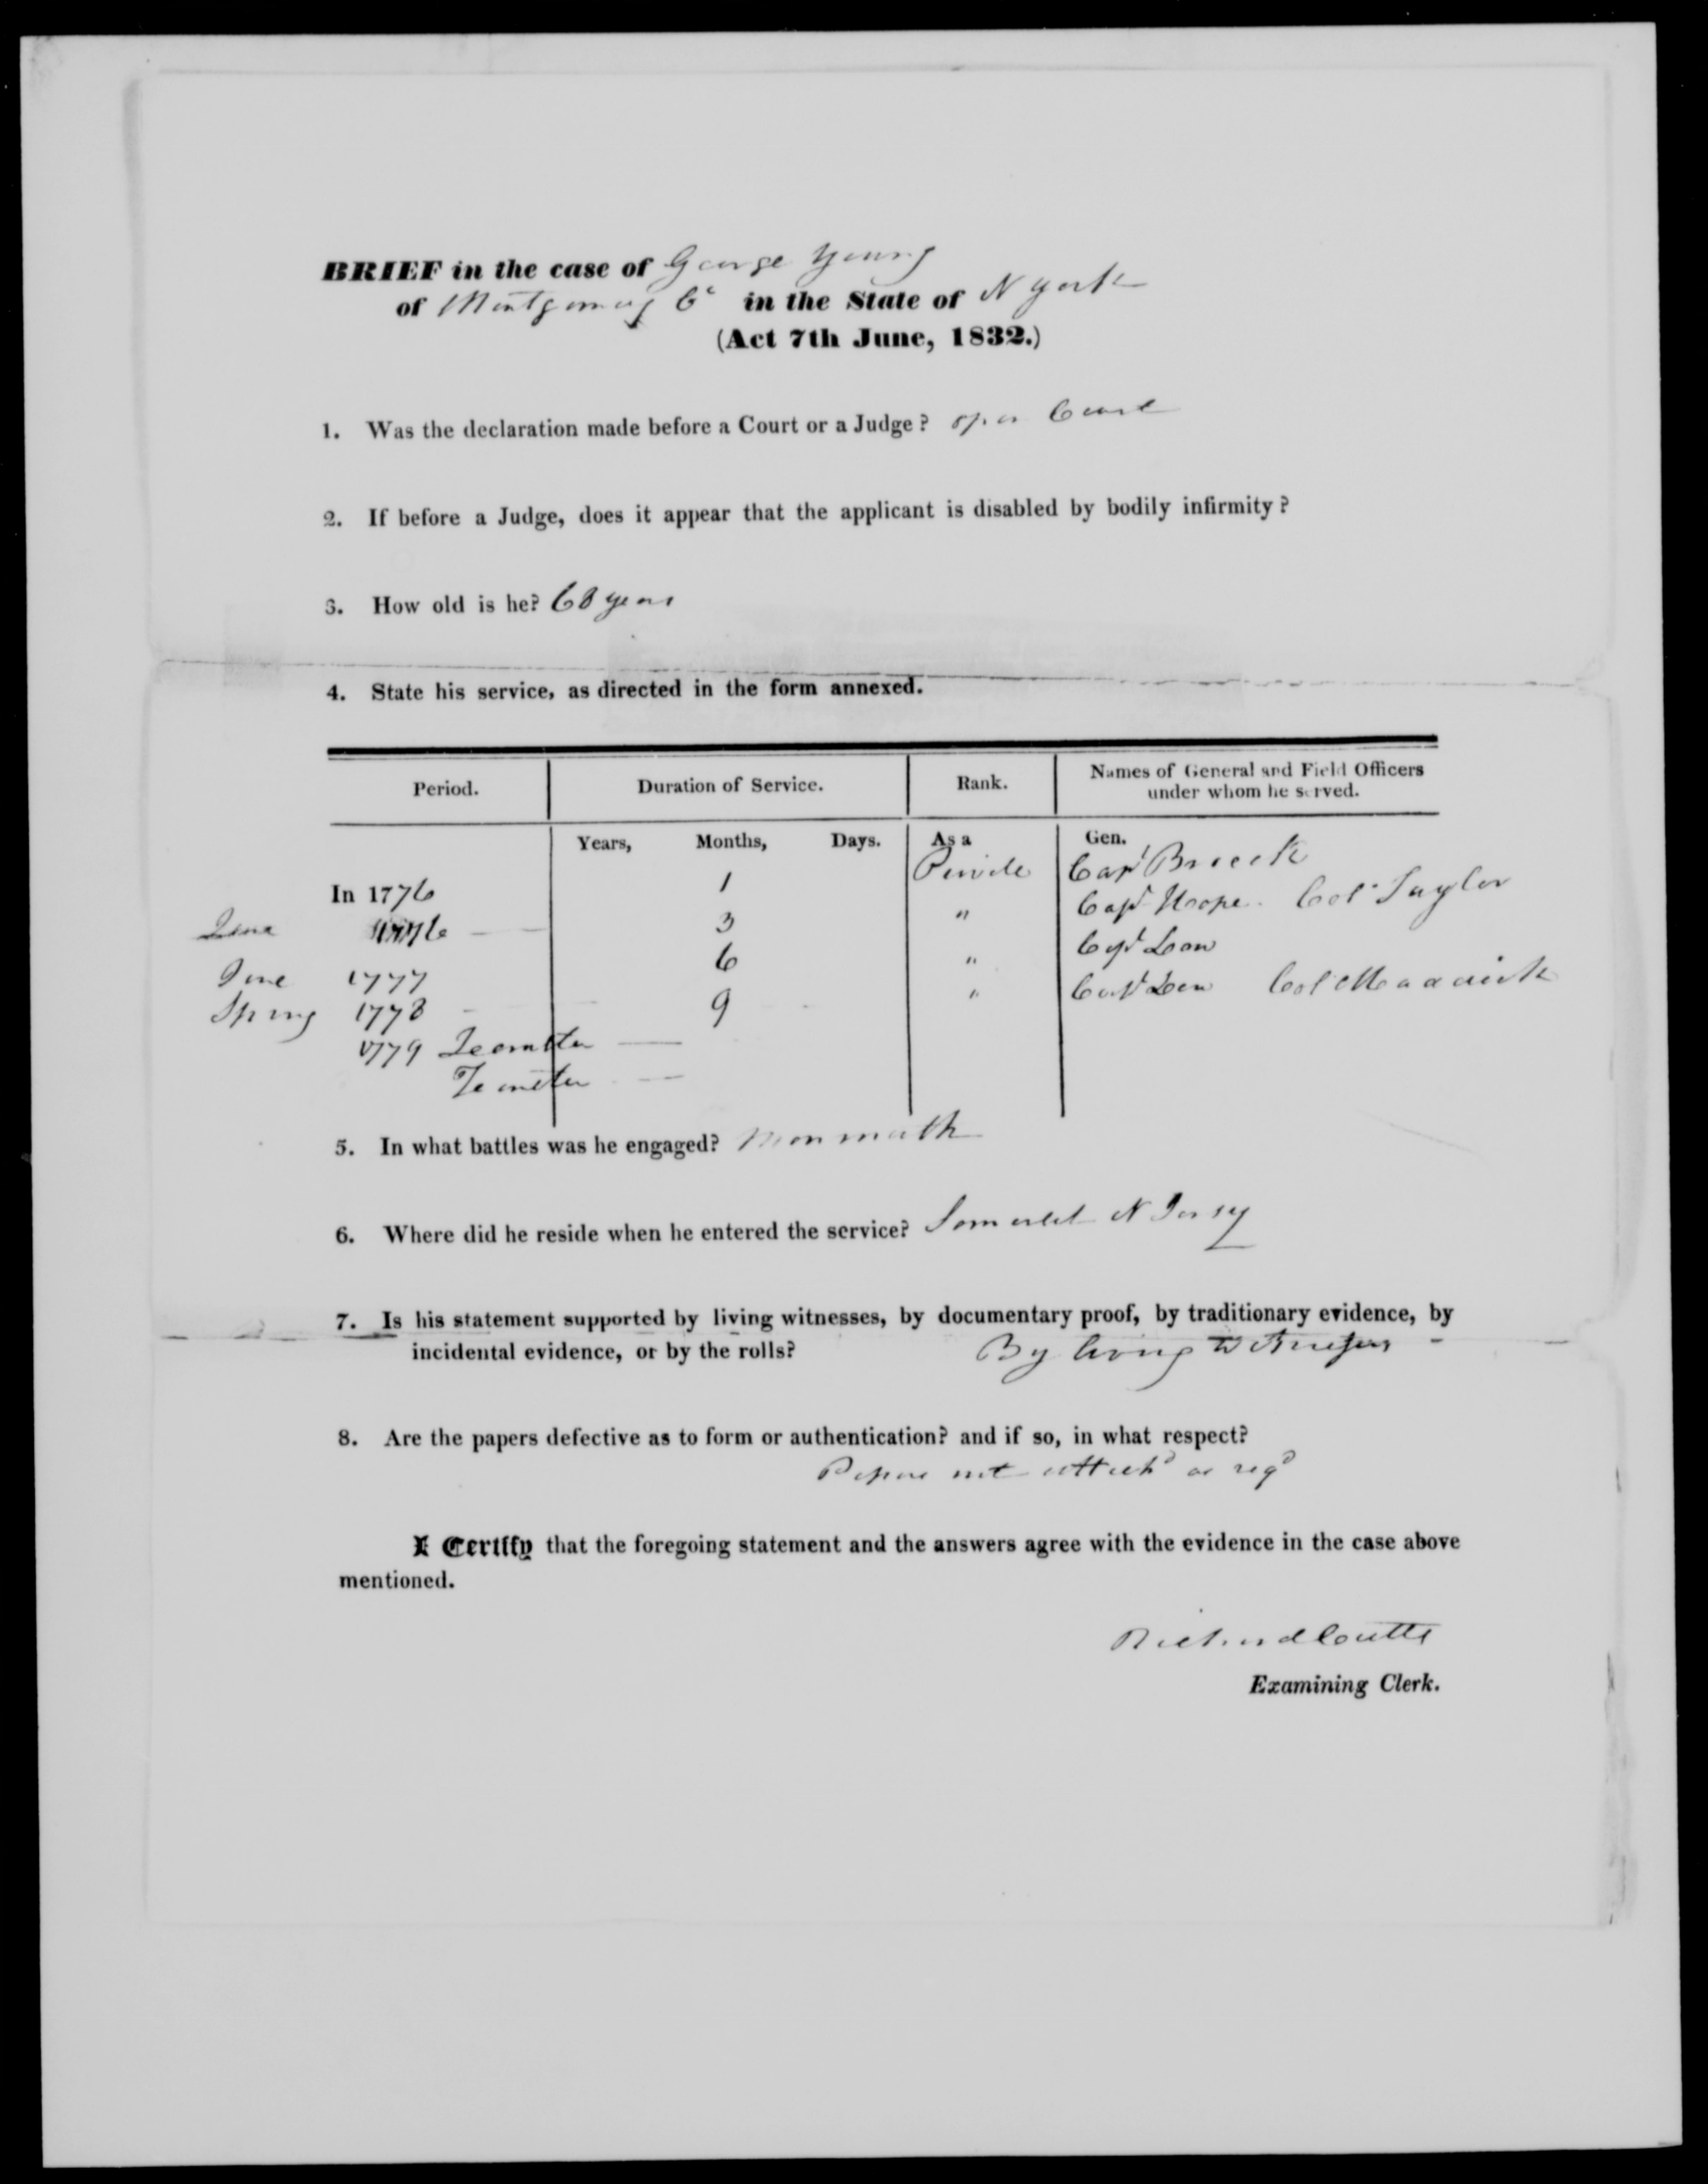Brief in the case of George Young
of Montgomery in the State of N York
(Act 7th June, 1832.)
1. Was the declaration made before a Court or a Judge? Open Court
2. If before a Judge, does it appear that the applicant is disabled by bodily infirmity?
3. How old is he? 68 years
4. State his service, as directed in the form annexed.
Period.
In 1776
---
June
Sping
1777
1772
-
Years,
1779 Leanston
Tester
Duration of Service.
Months,
Days.
Rank.
unde
5. In what battles was he engaged? Monmouth
Names of General and Field Officers
under whom he served.
Gen.
Care Bricek
Capt Hopper Col. Taylor
Capt Low
Cotton Col Maddick
6. Where did he reside when he entered the service? New Jersey
7. Is his statement supported by living witnesses, by documentary proof, by traditionary evidence, by
incidental evidence, or by the rolls?
By living Witnesses
8. Are the papers defective as to form or authen
ation? and if so, in what respect?
Papers not attach as regd
Certify that the foregoing statement and the answers agree with the evidence in the case above
mentioned.
Richard Cutts
Examining Clerk.
{form provided]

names: Dow, Hope, Taylor, George Young, Breeck, Richard Cutts, Maddock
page: 25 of 67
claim: widow's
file: W. 7379, George Young, New Jersey